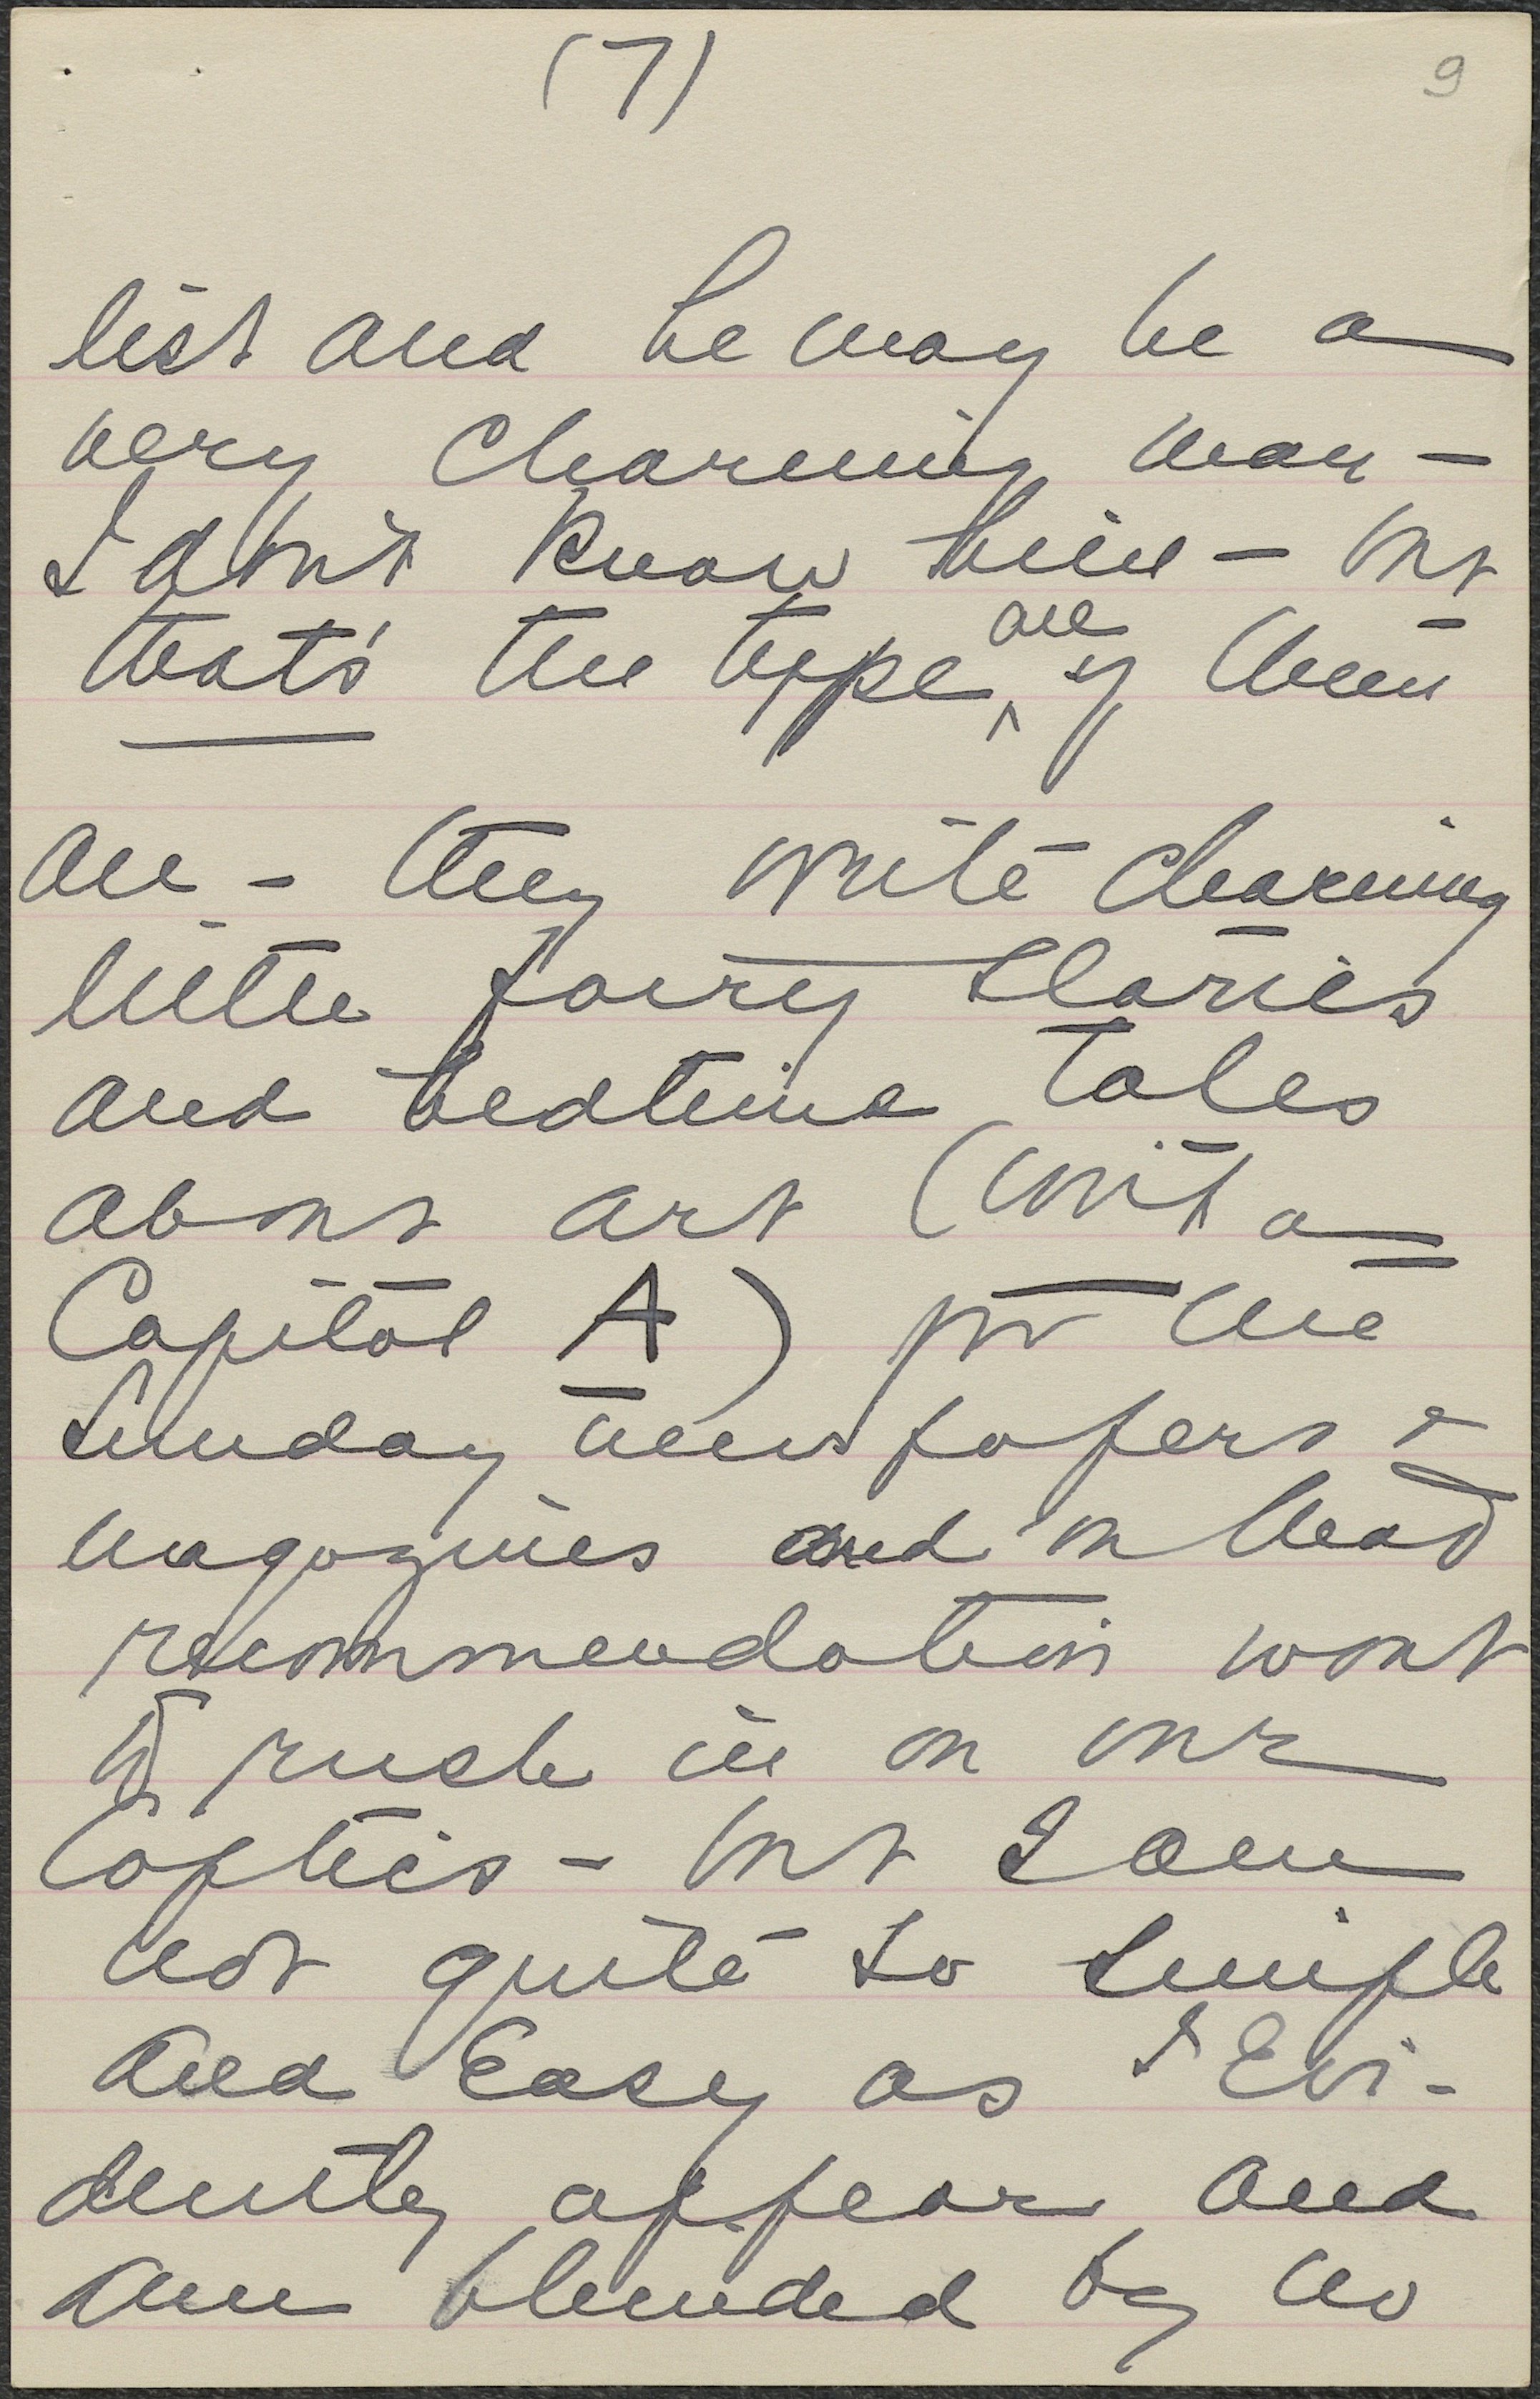(7)
and he may be a very charming man – I don’t know him – but that’s the type [ˆallˆ] of them
all – they write charming little fairy stories and bedtime tales about art (with a Capital A) for the Sunday newspapers & magazines and on that recommendation want to rush in on our Coptics – but I am not quite so simple and easy as I evidently appear and am blinded by no